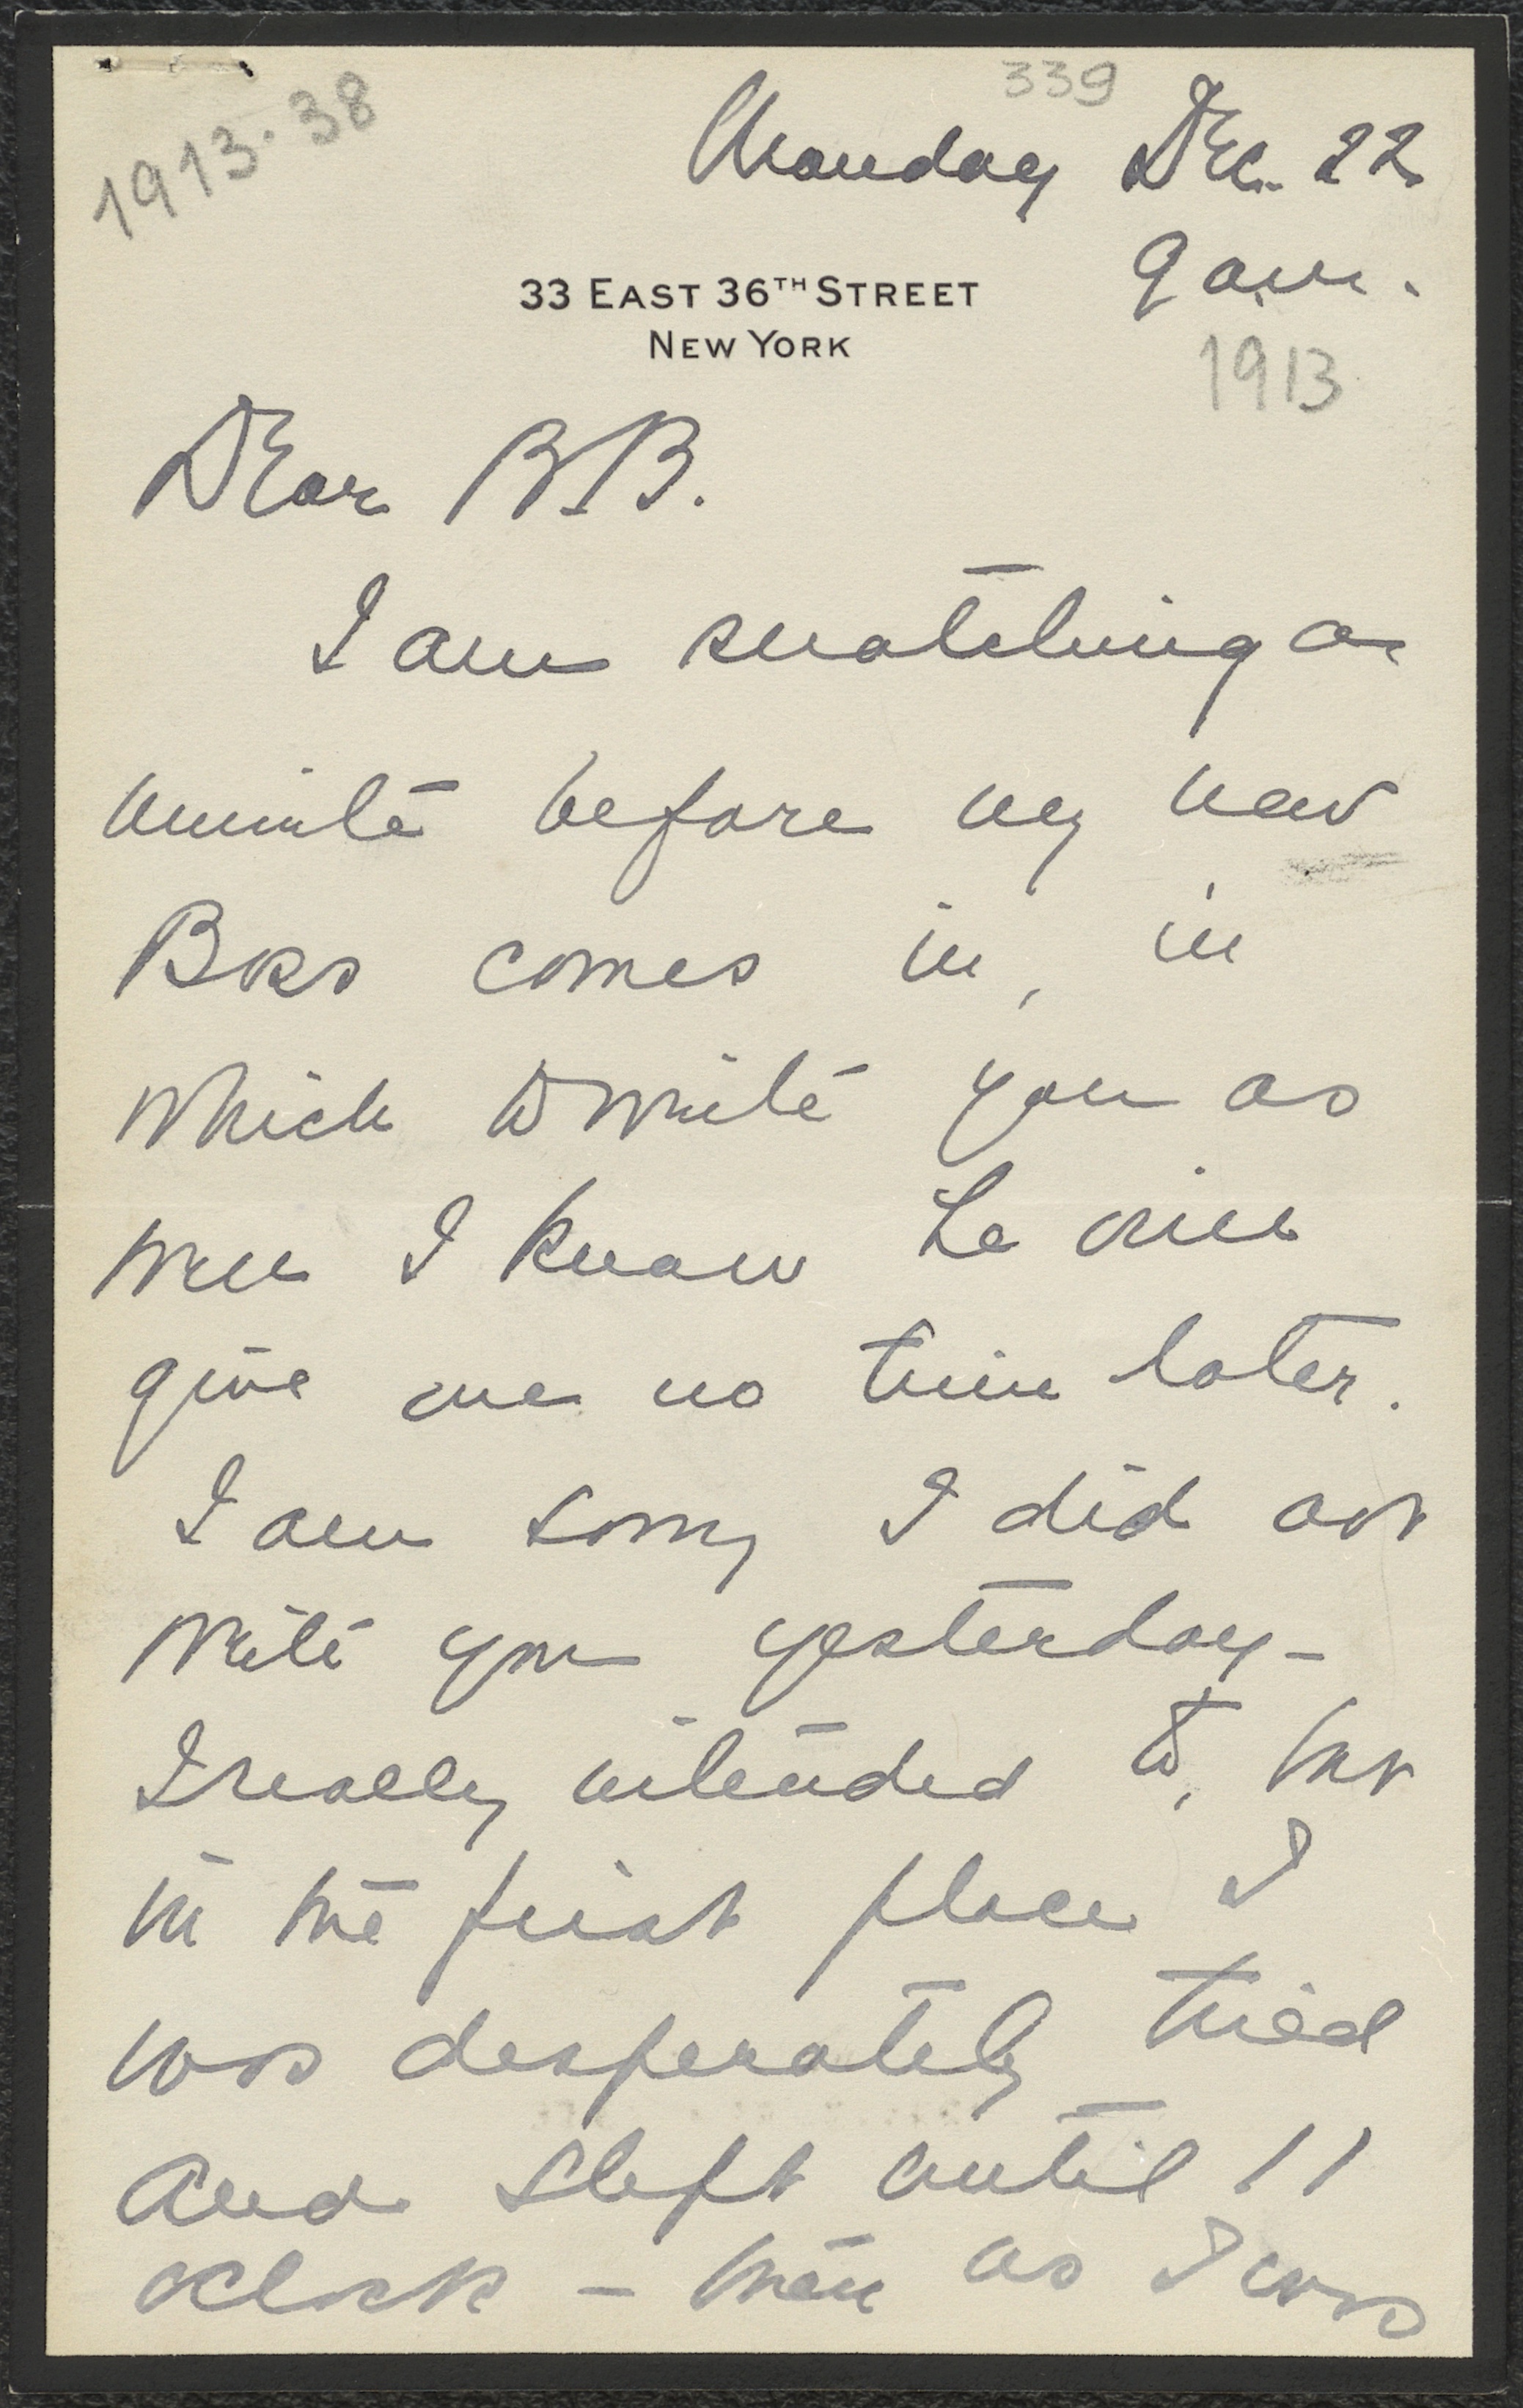Monday Dec. 22
9 a.m.
Dear B. B.
I am snatching a minute before my new Boss comes in, in which to write you as well I know he will give me no time later.
I am sorry I did not write you yesterday – I really intended to, but in the first place I was desperately tired and slept until 11 oclock – then as I was